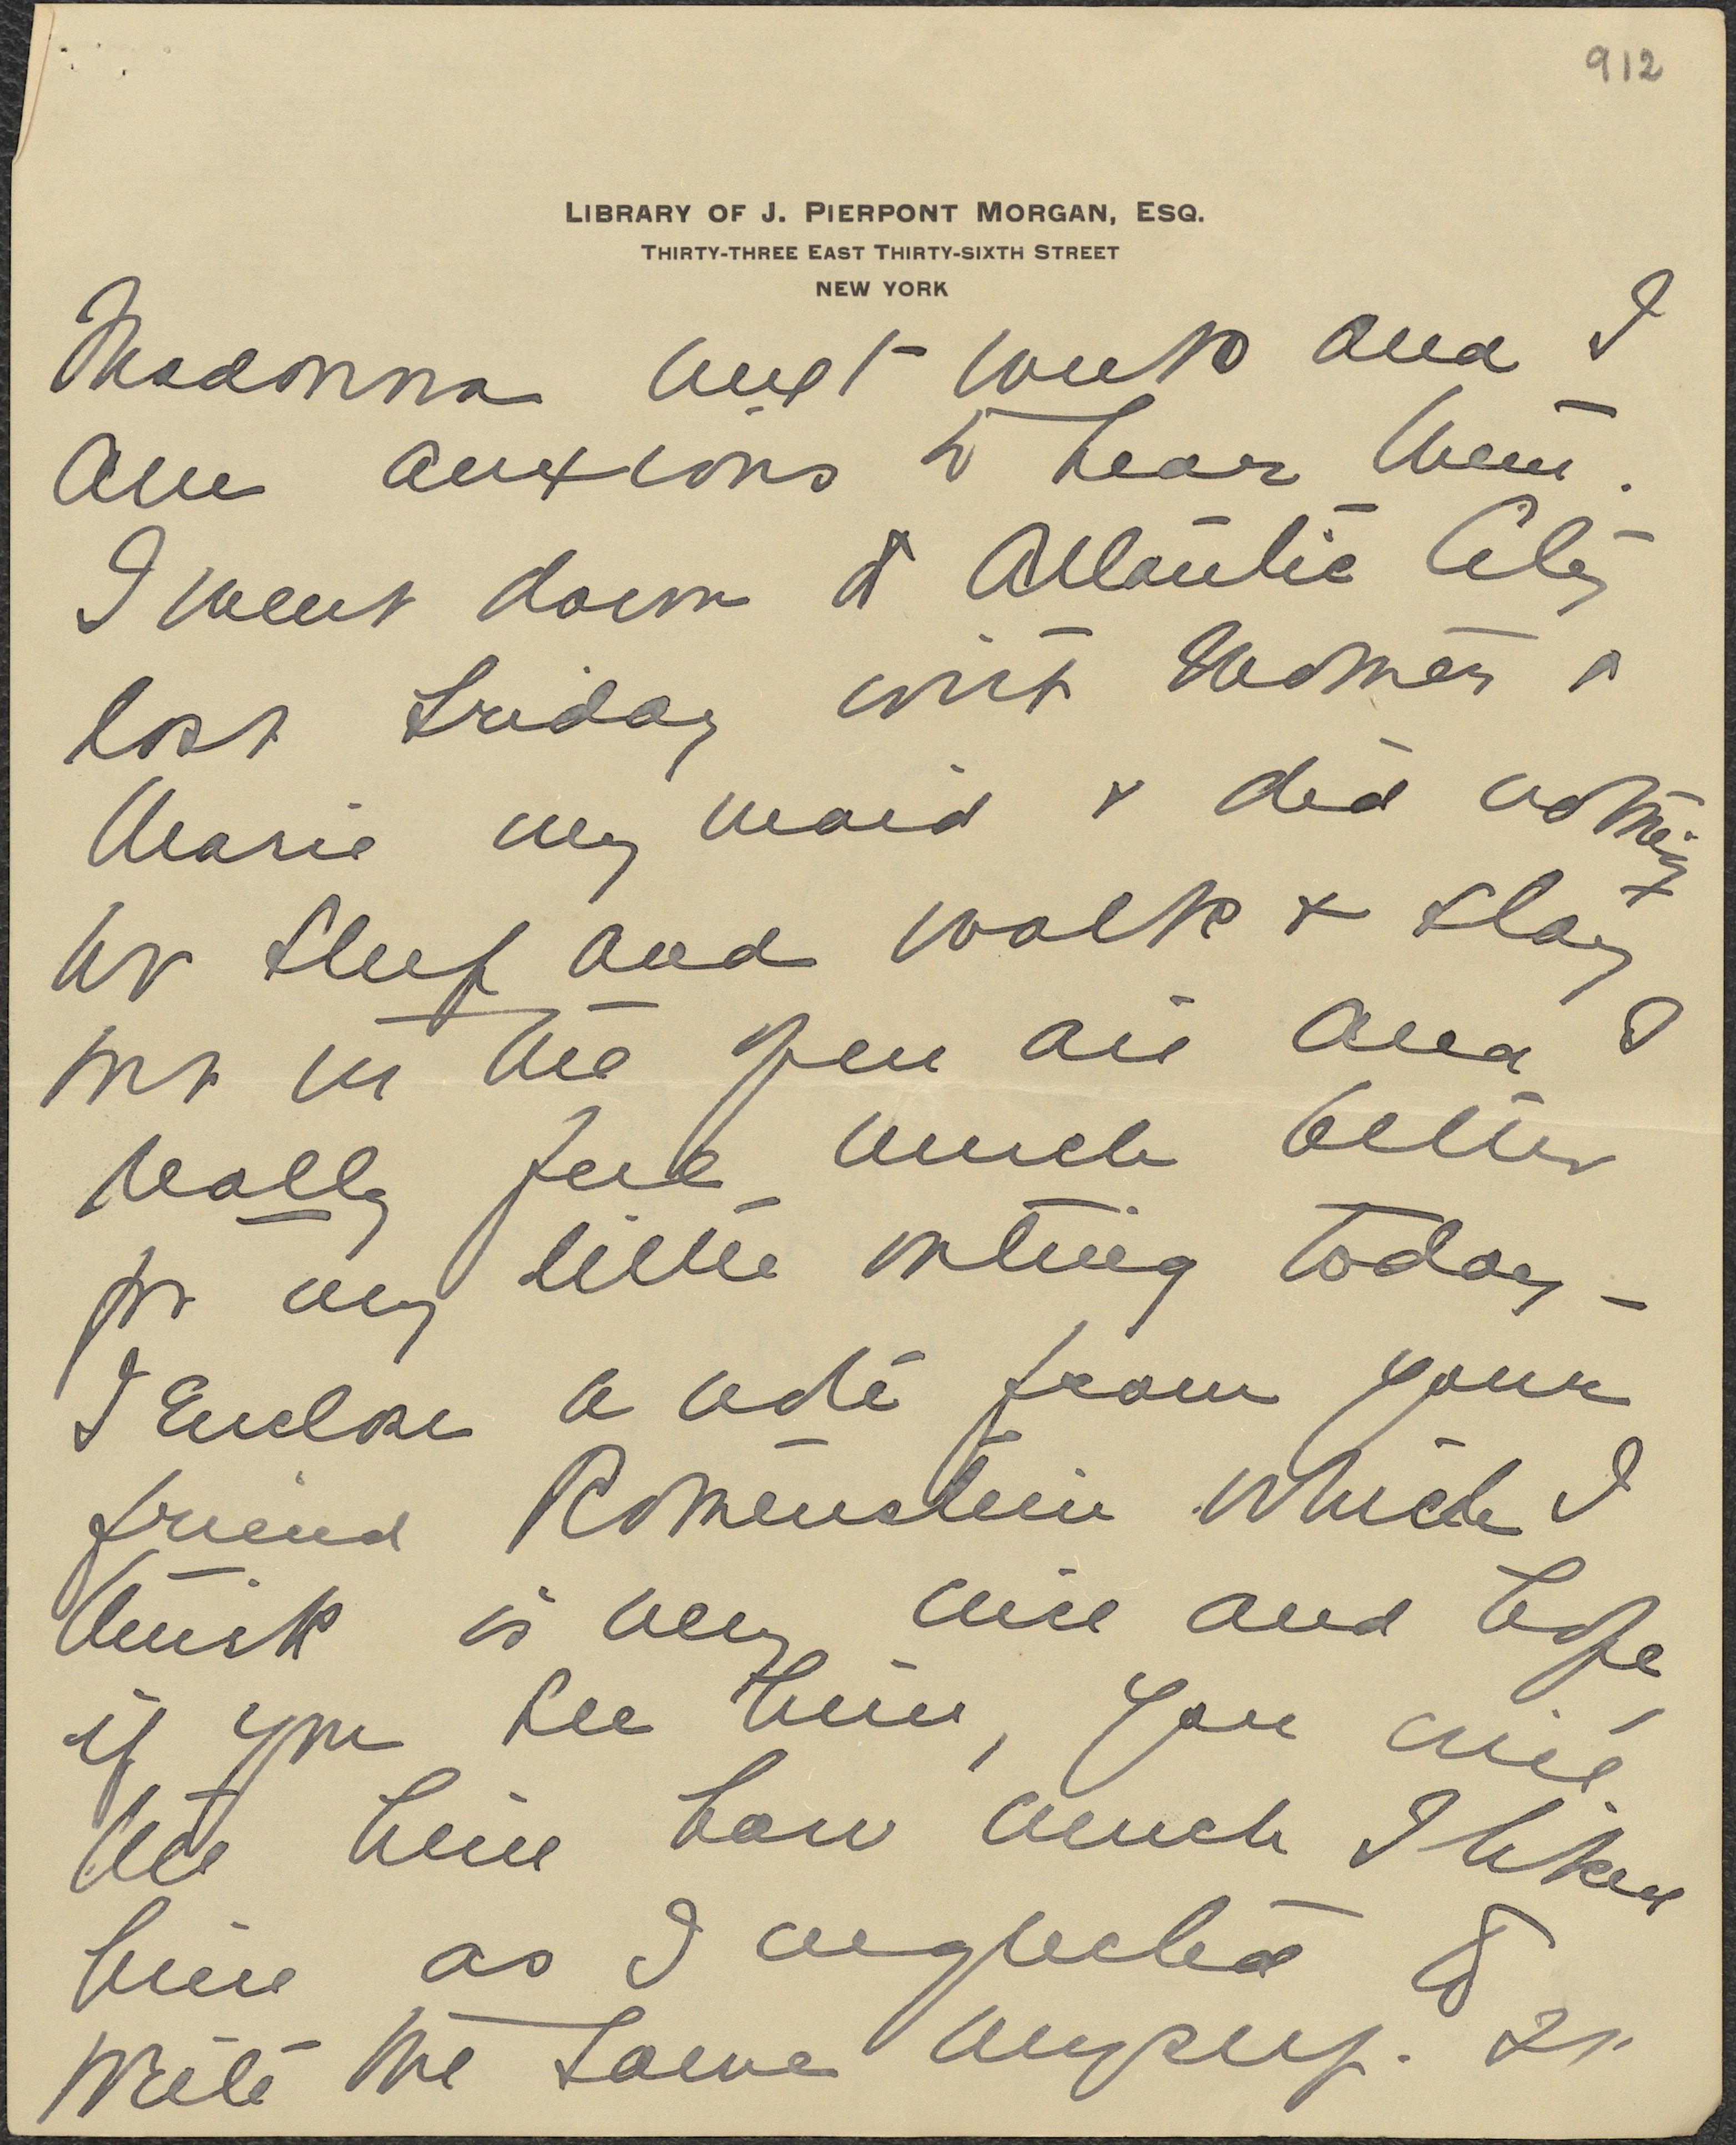Madonna next week and I am anxious to hear them. I went down to Atlantic City last Friday with Mother & Marie my maid & did nothing but sleep and walk & stay out in the open air and I really feel much better for my little outing today – I enclose a note from your friend Rothenstein which I think is very nice and hope, if you see him, you will tell him how much I liked him as I neglected to write the same myself. If